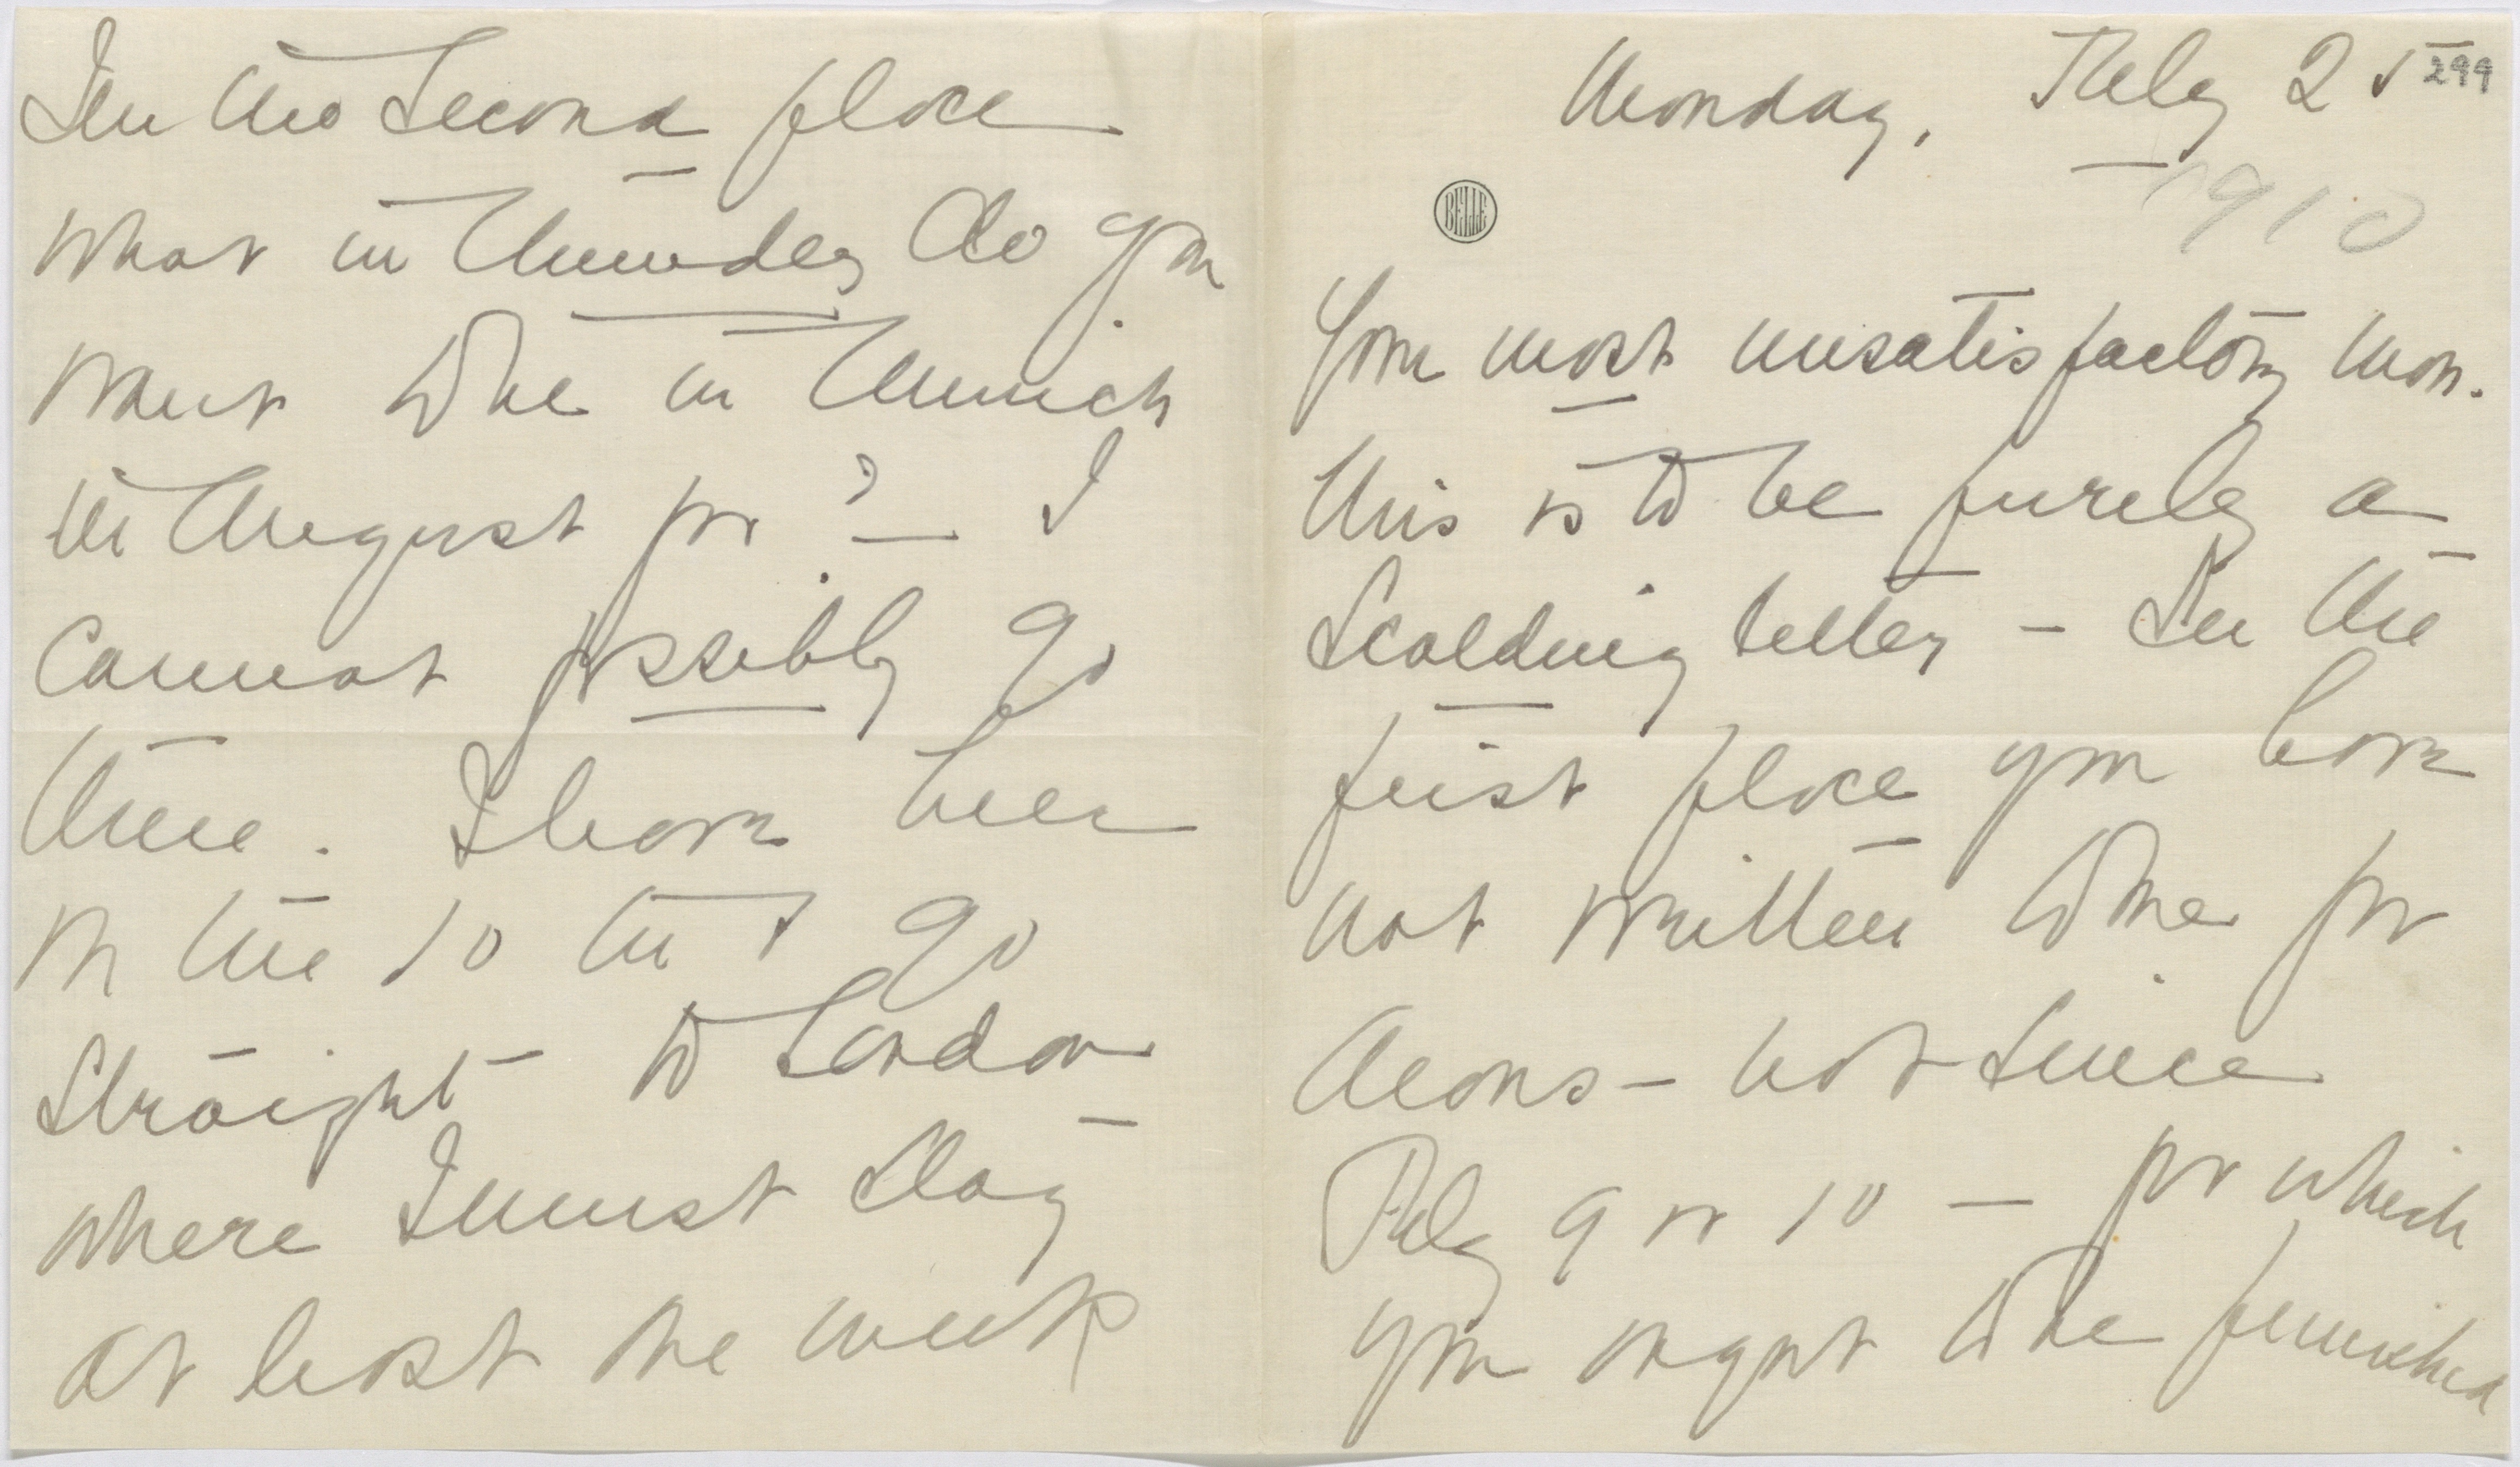Monday, July 25
You most unsatisfactory man. This is to be purely a scolding letter – In the first place you have not written to me for aeons – not since July 9 or 10 – for which you ought to be punished
In the Second place what in Thunder do you want to be in Munich in August for? – I cannot possibly go there. I leave here on the 10th & go straight to London where I must stay at least one week